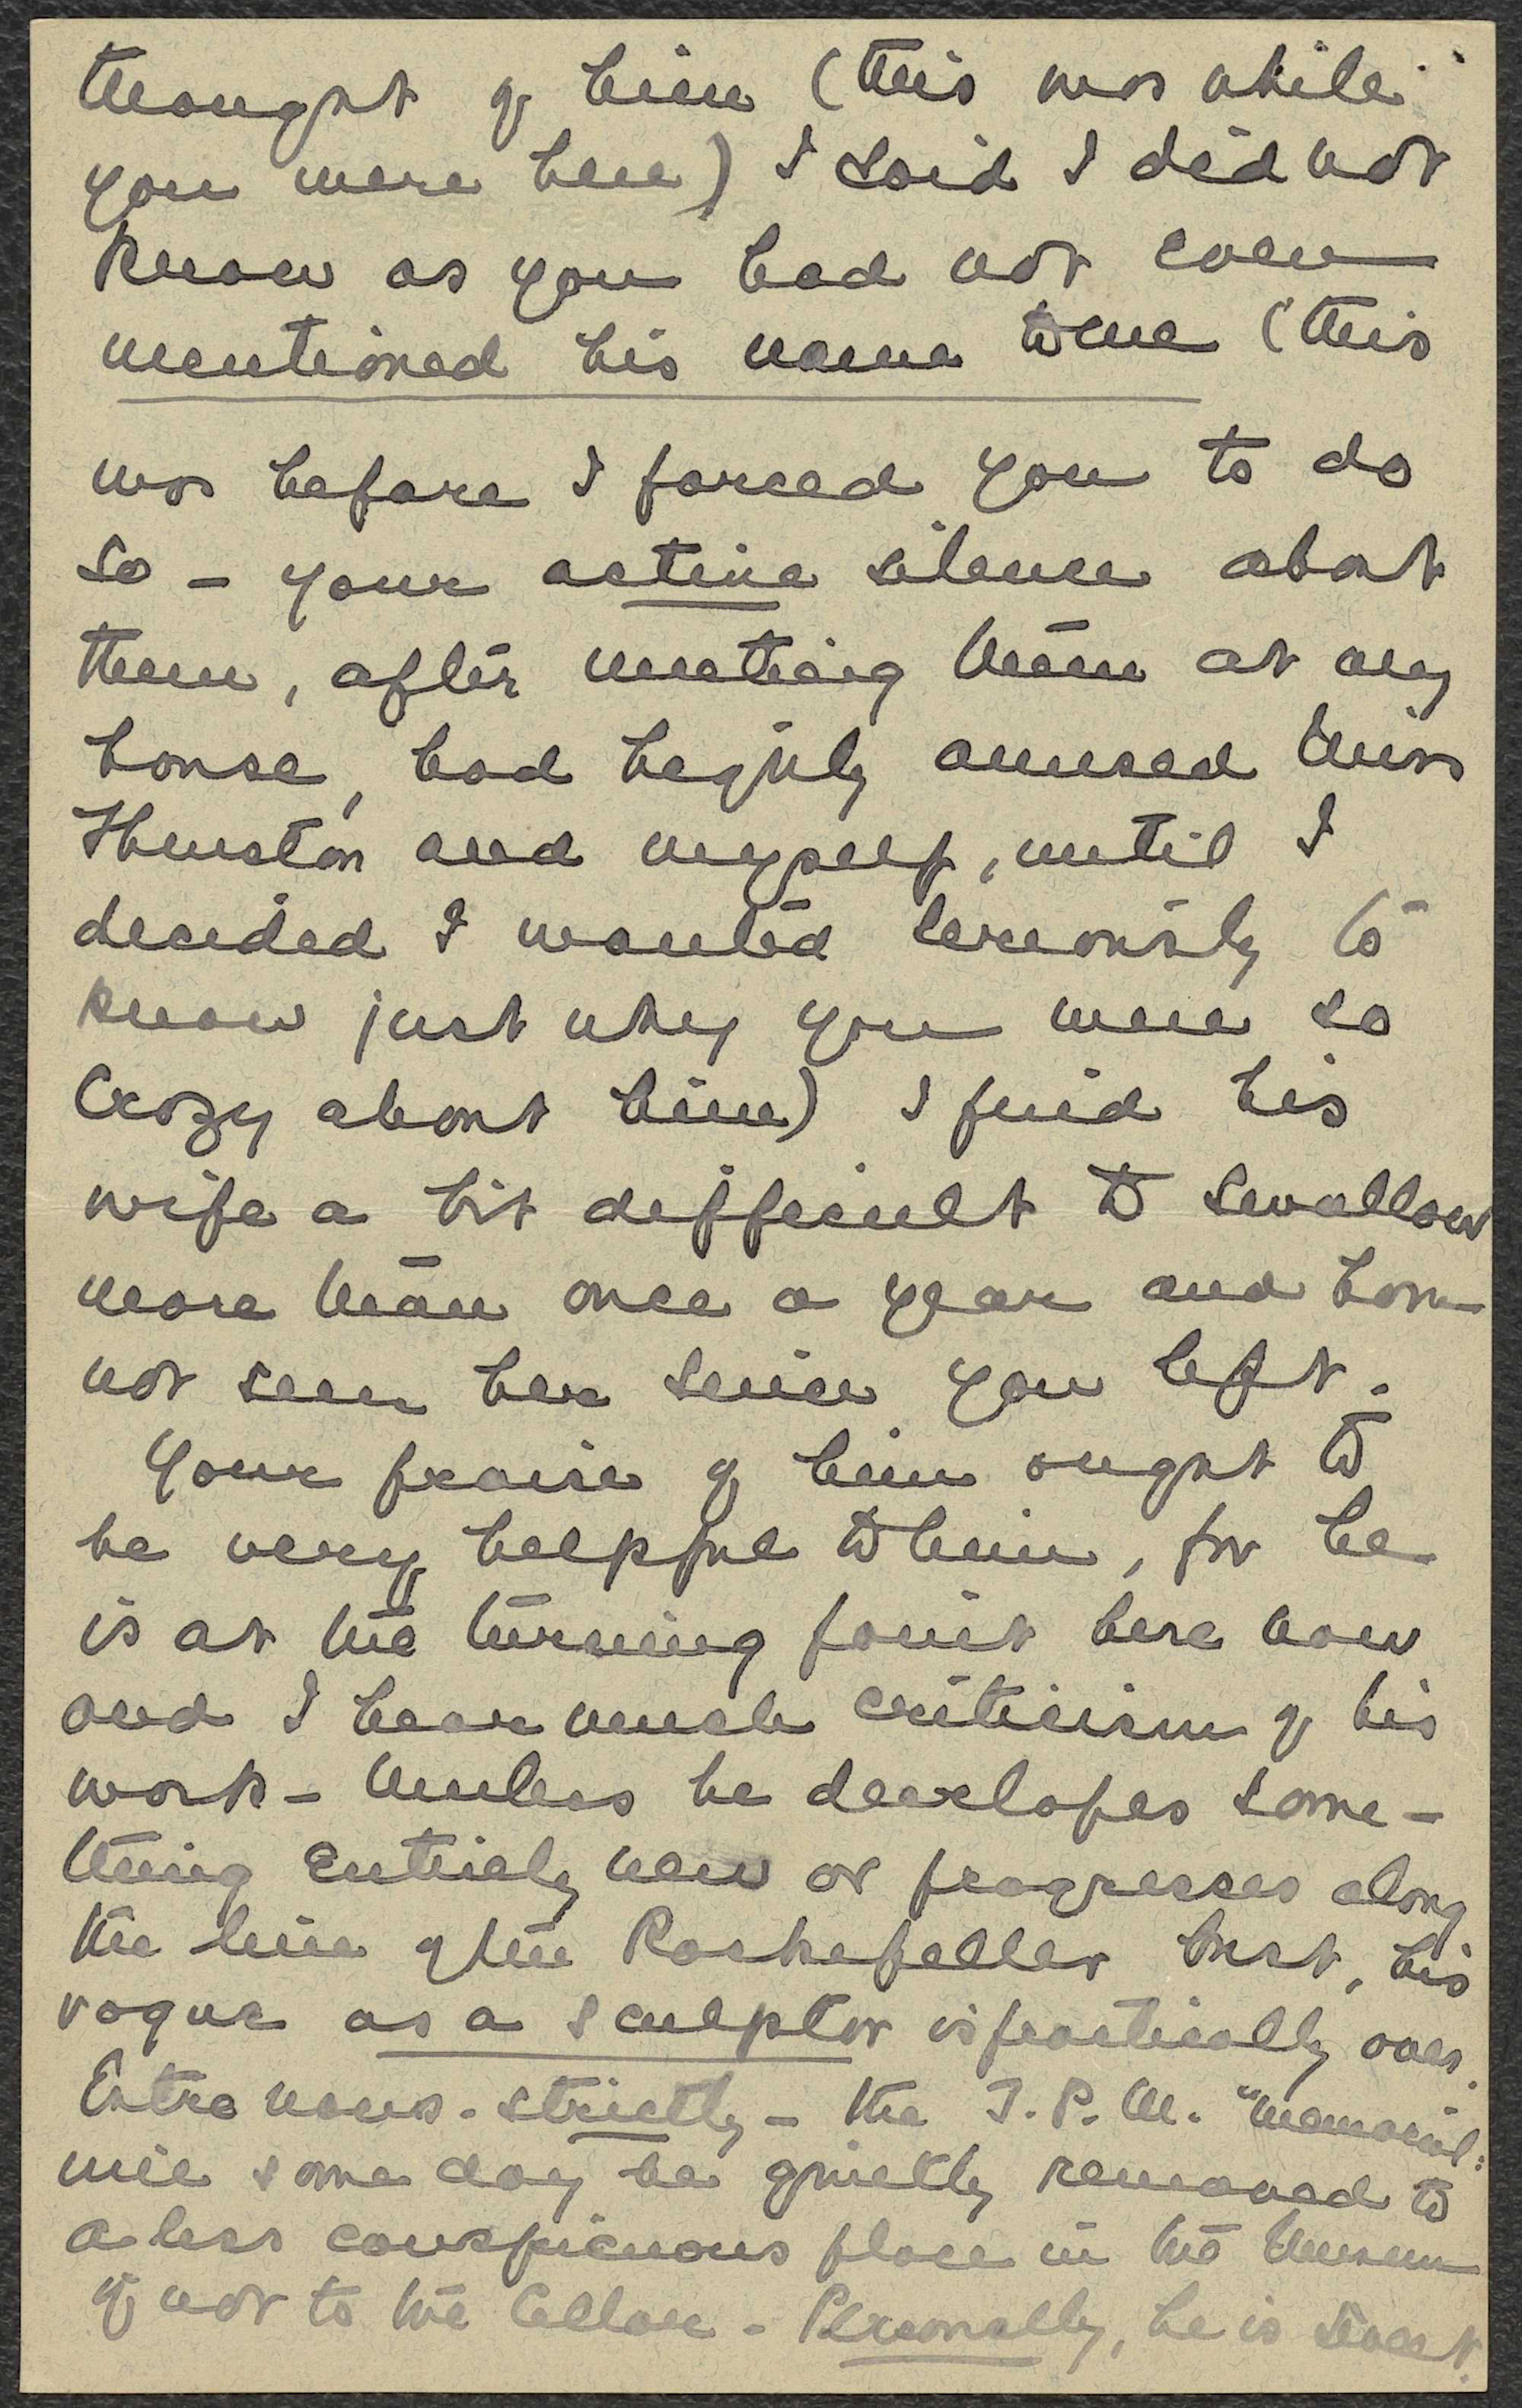thought of him (this was while you were here) I said I did not know as you had not even mentioned his name to me (this was before I forced you to do so – your active silence about them, after meeting them at my house, had highly amused Miss Thurston and myself, until I decided I wanted seriously to know just why you were so crazy about him) I find his wife a bit difficult to swallow more than once a year and have not seen her since you left.
Your praise of him ought to be very helpful to him, for he is at the turning point here now and I hear much criticism of his work – Unless he developes [sic] something entirely new or progresses along the line of the Rockefeller bust, his vogue as a sculptor is practically over. Entre nous – strictly – the J.P.M “memorial” will some day be quietly removed to a less conspicuous place in the Museum if not to the cellar – Personally, he is sweet.